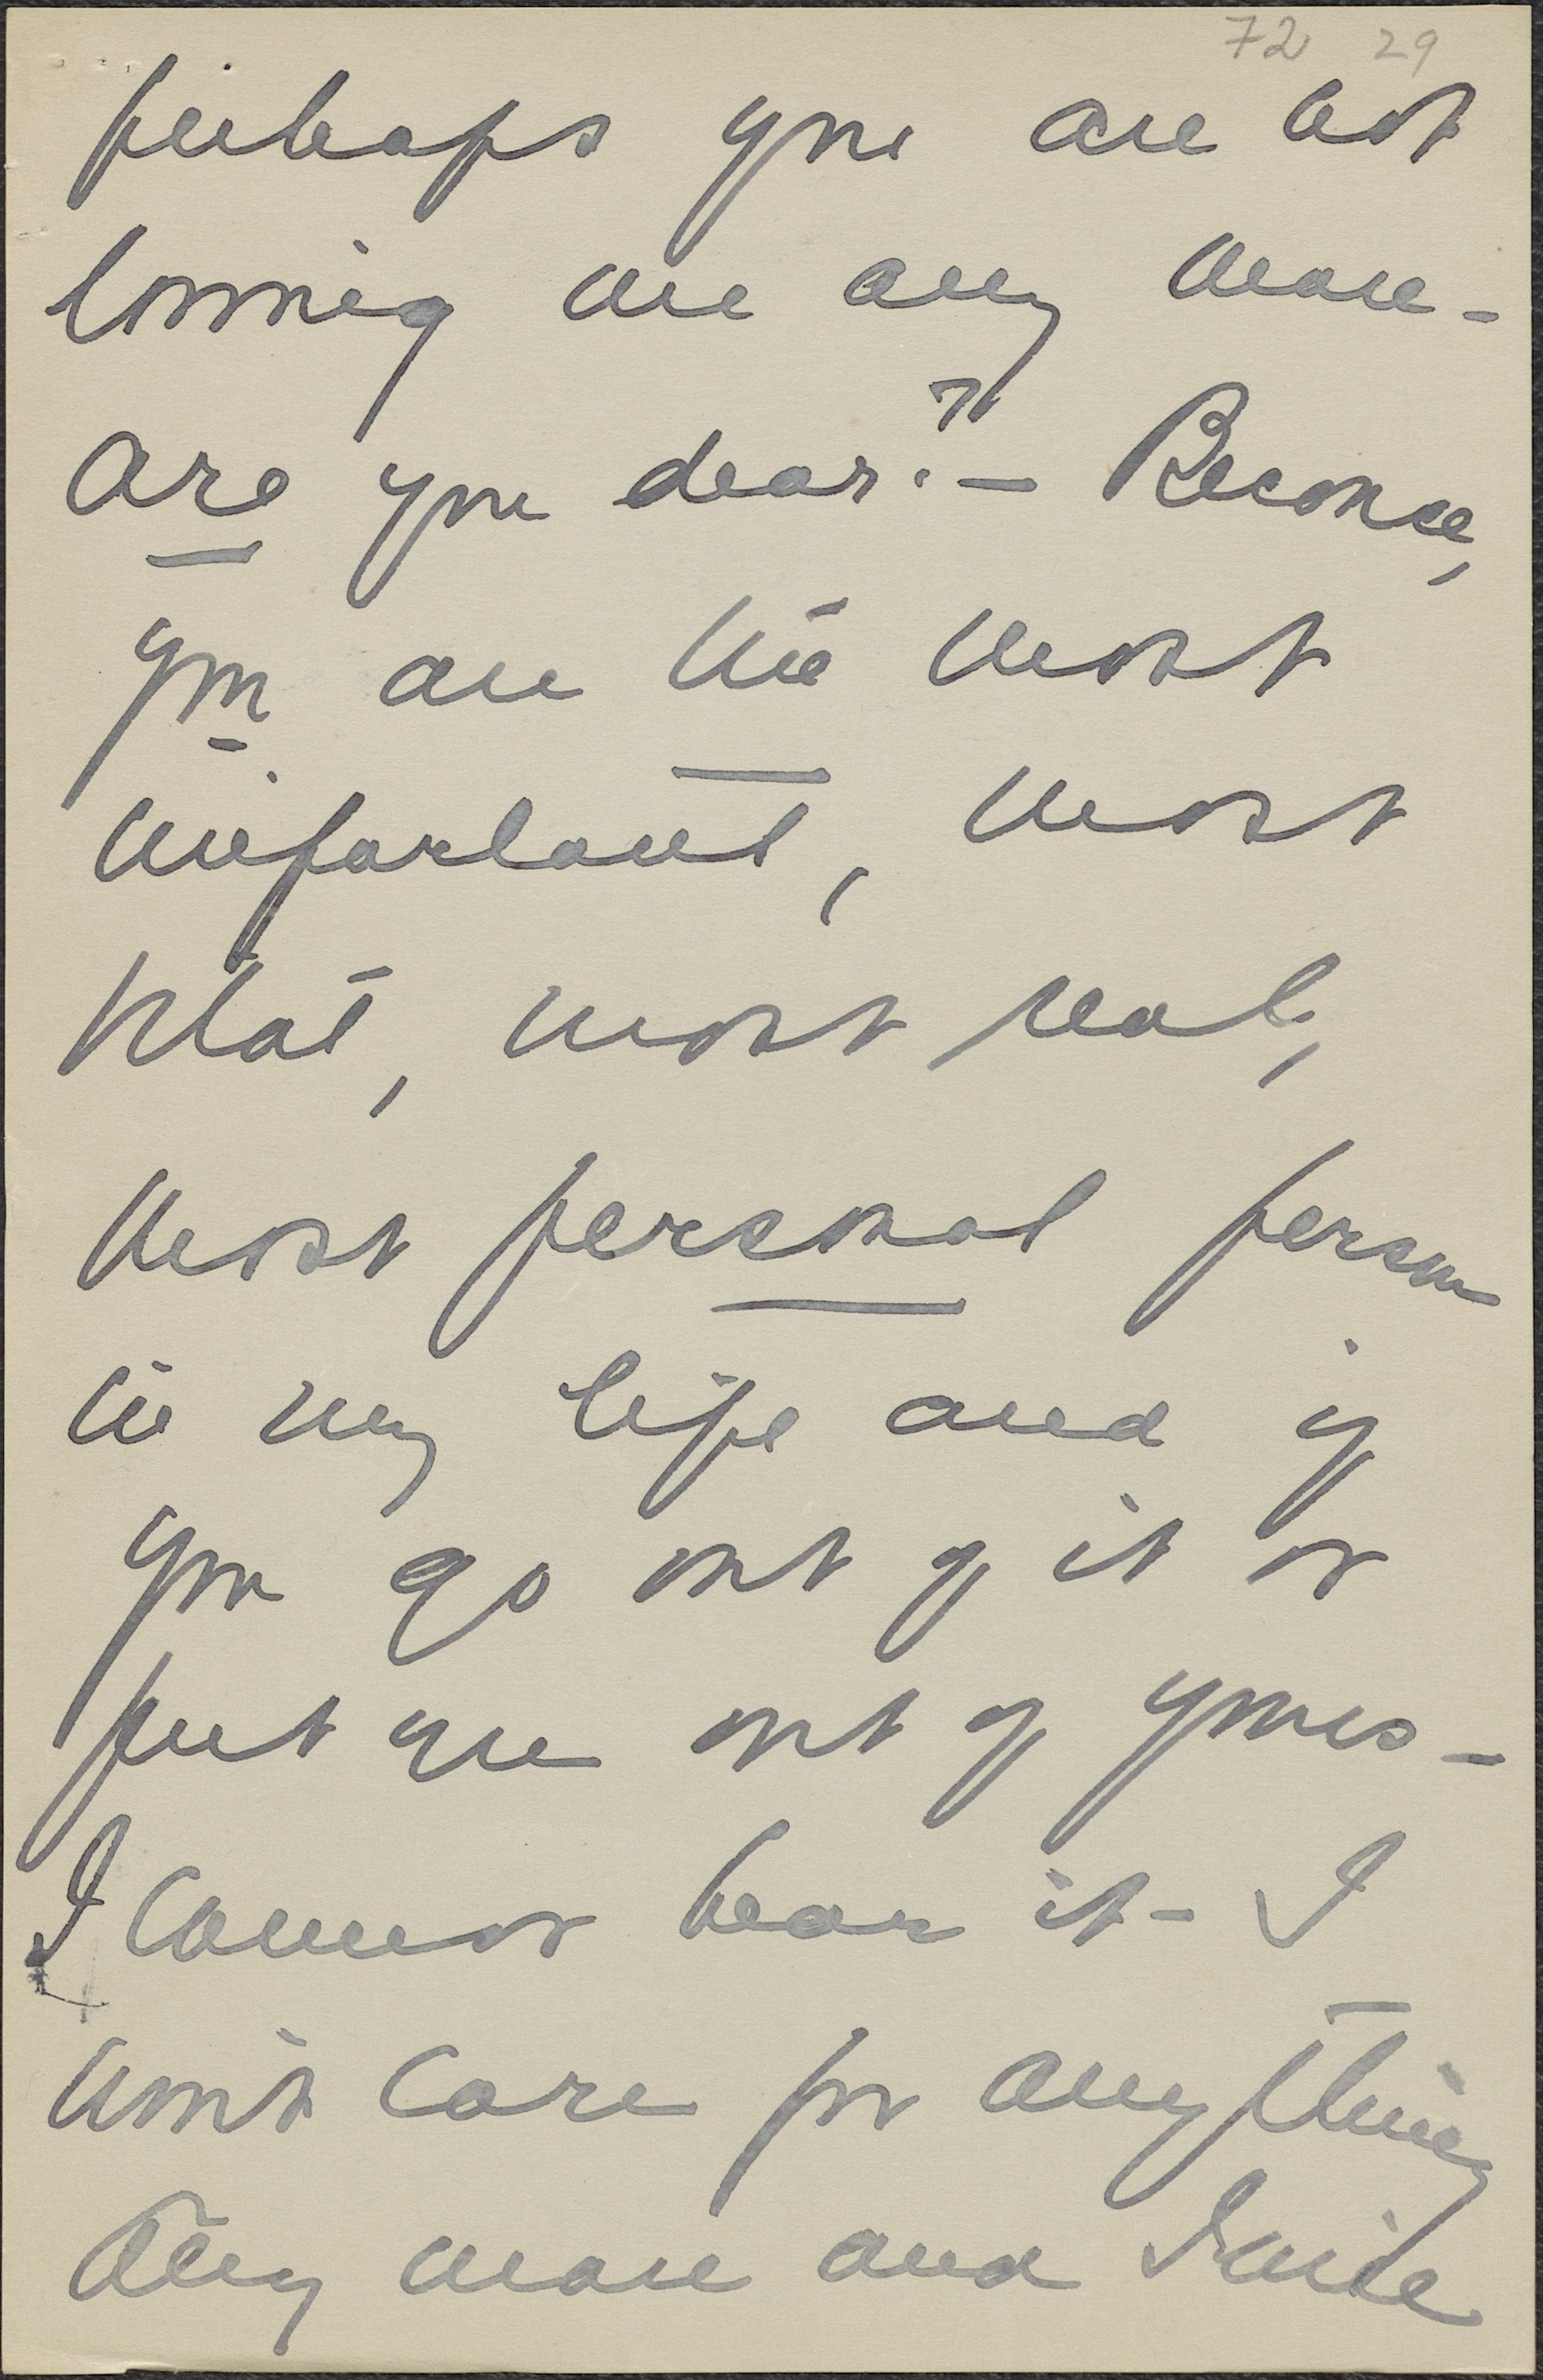perhaps you are not loving me any more – are you dear? – Because, you are the most important, most vital, most real, most personal person in my life and if you go out of it or put me out of yours – I cannot bear it – I won’t care for anything anymore and I will